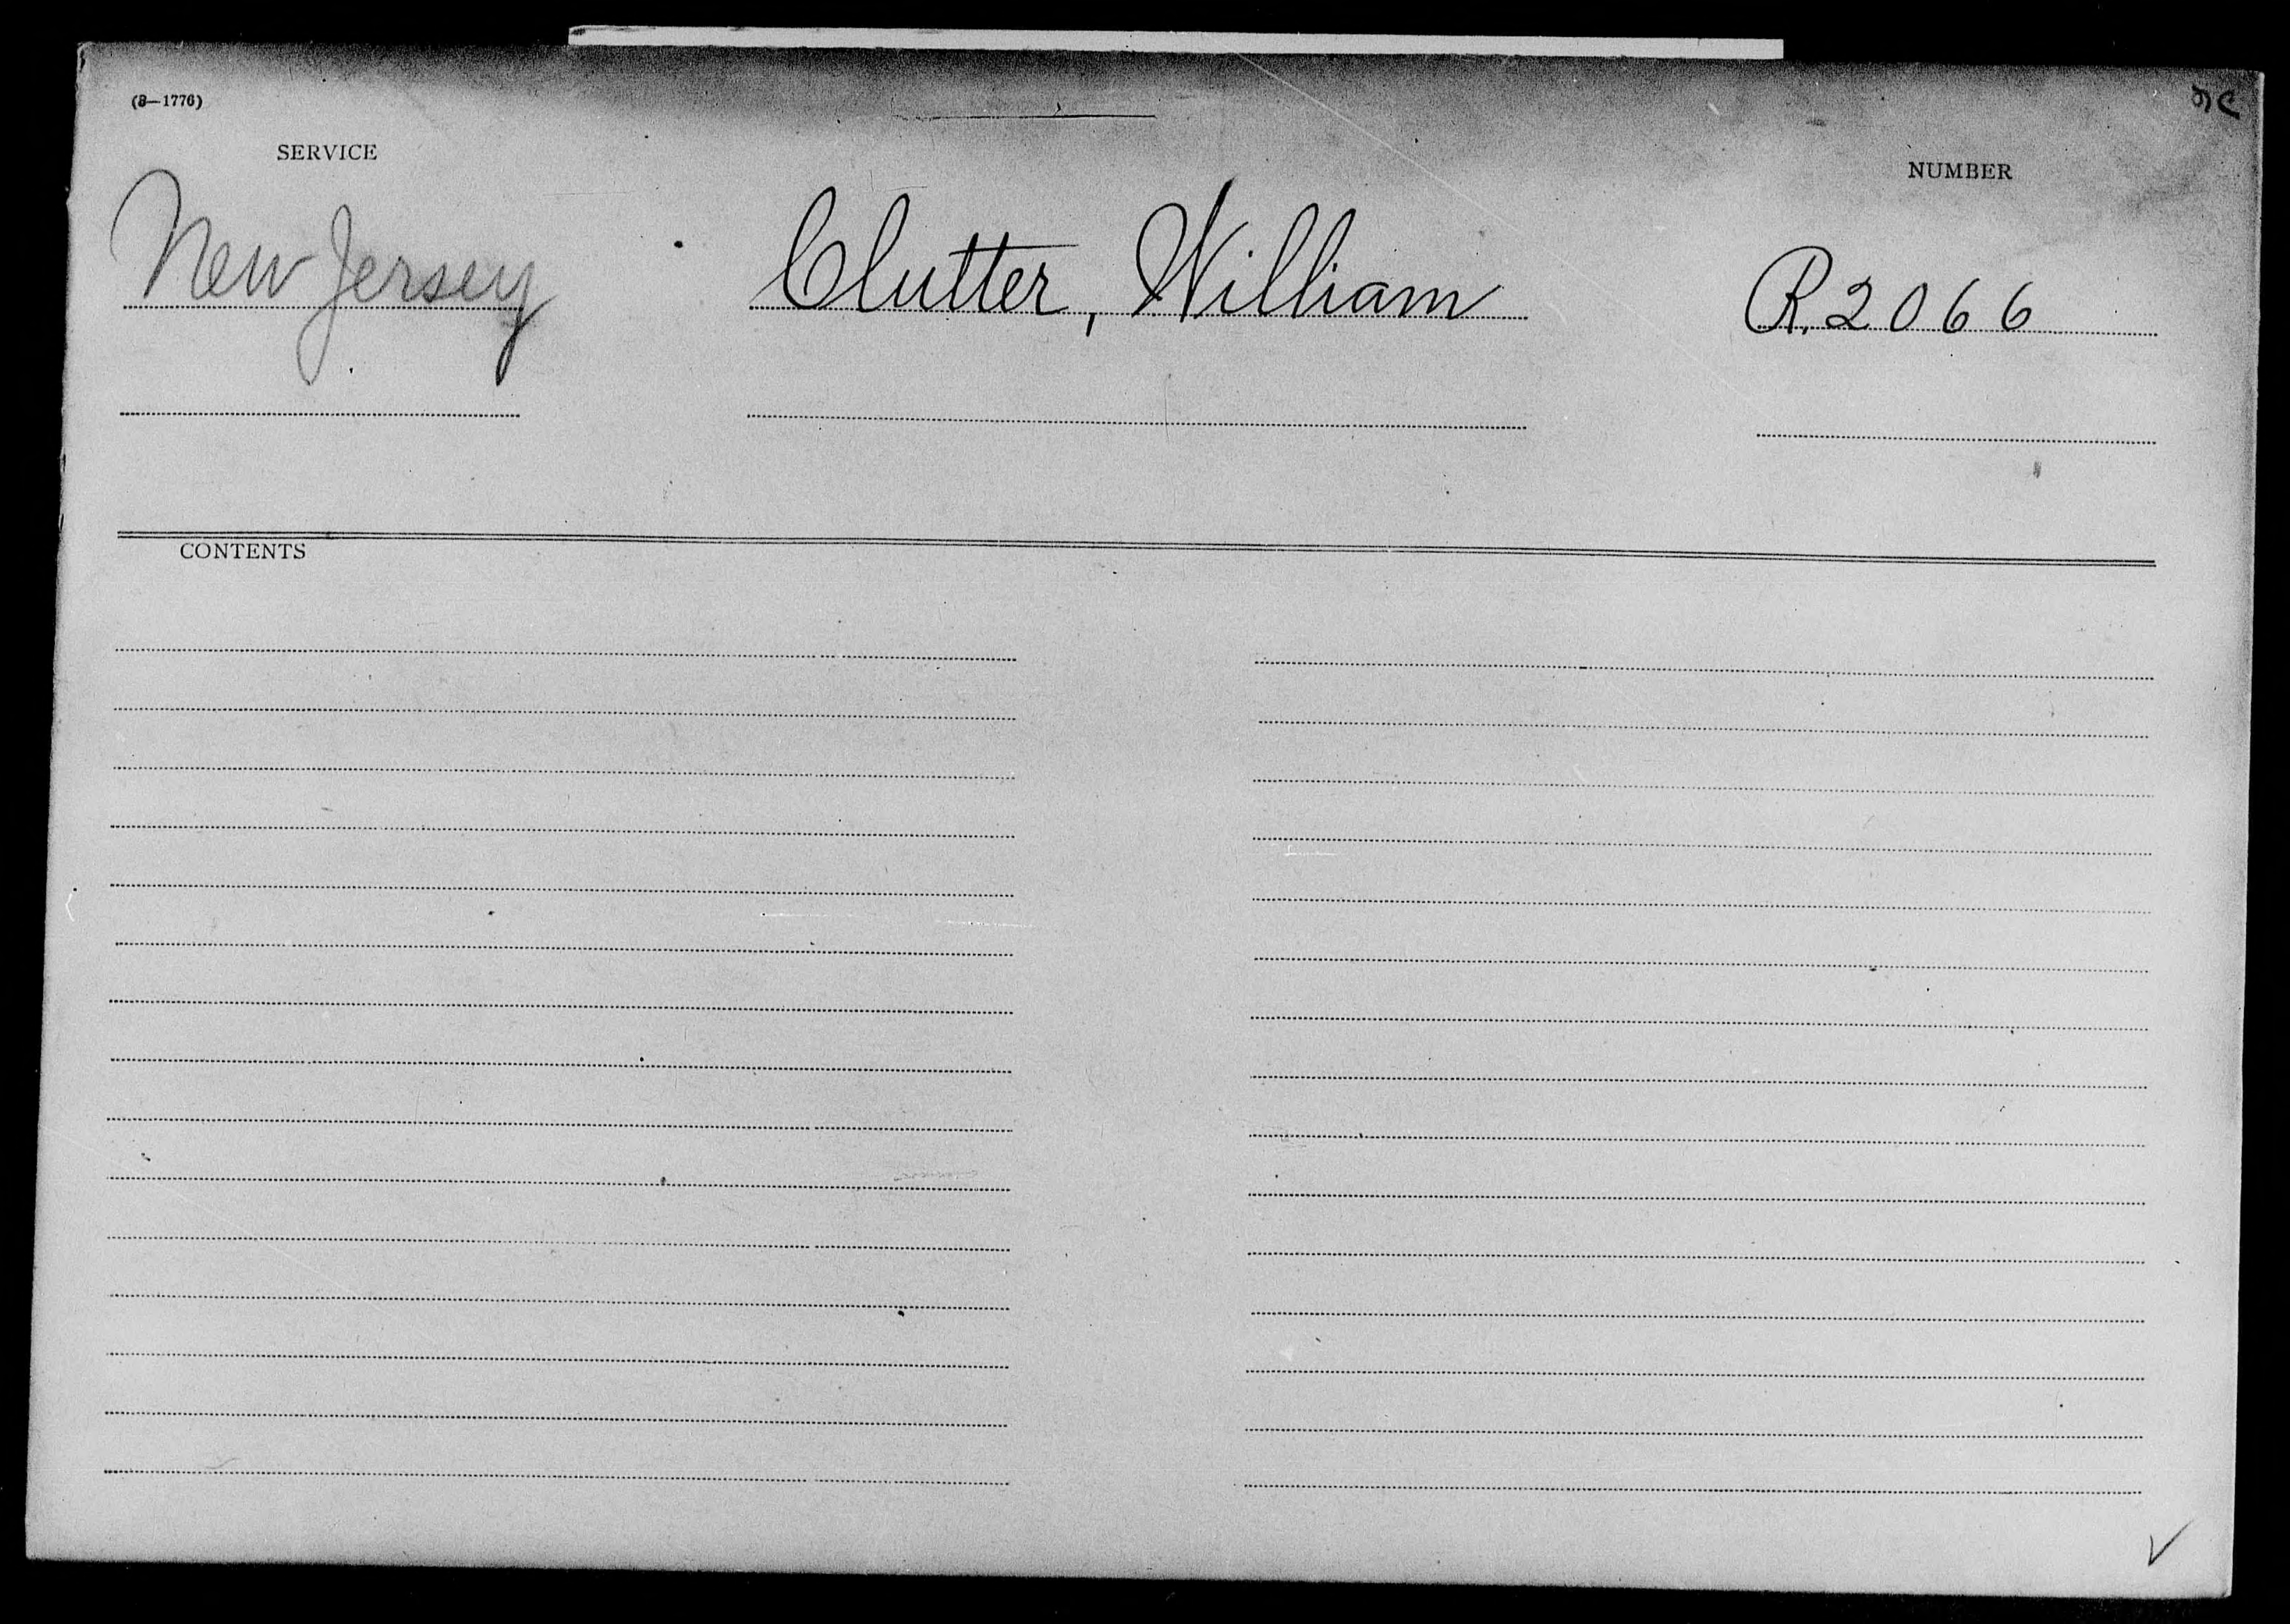Service
New Jersey

Name
Clutter, William

Number 
R.2066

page: 1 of 35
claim: rejected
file: R. 2066, William Clutter, New Jersey